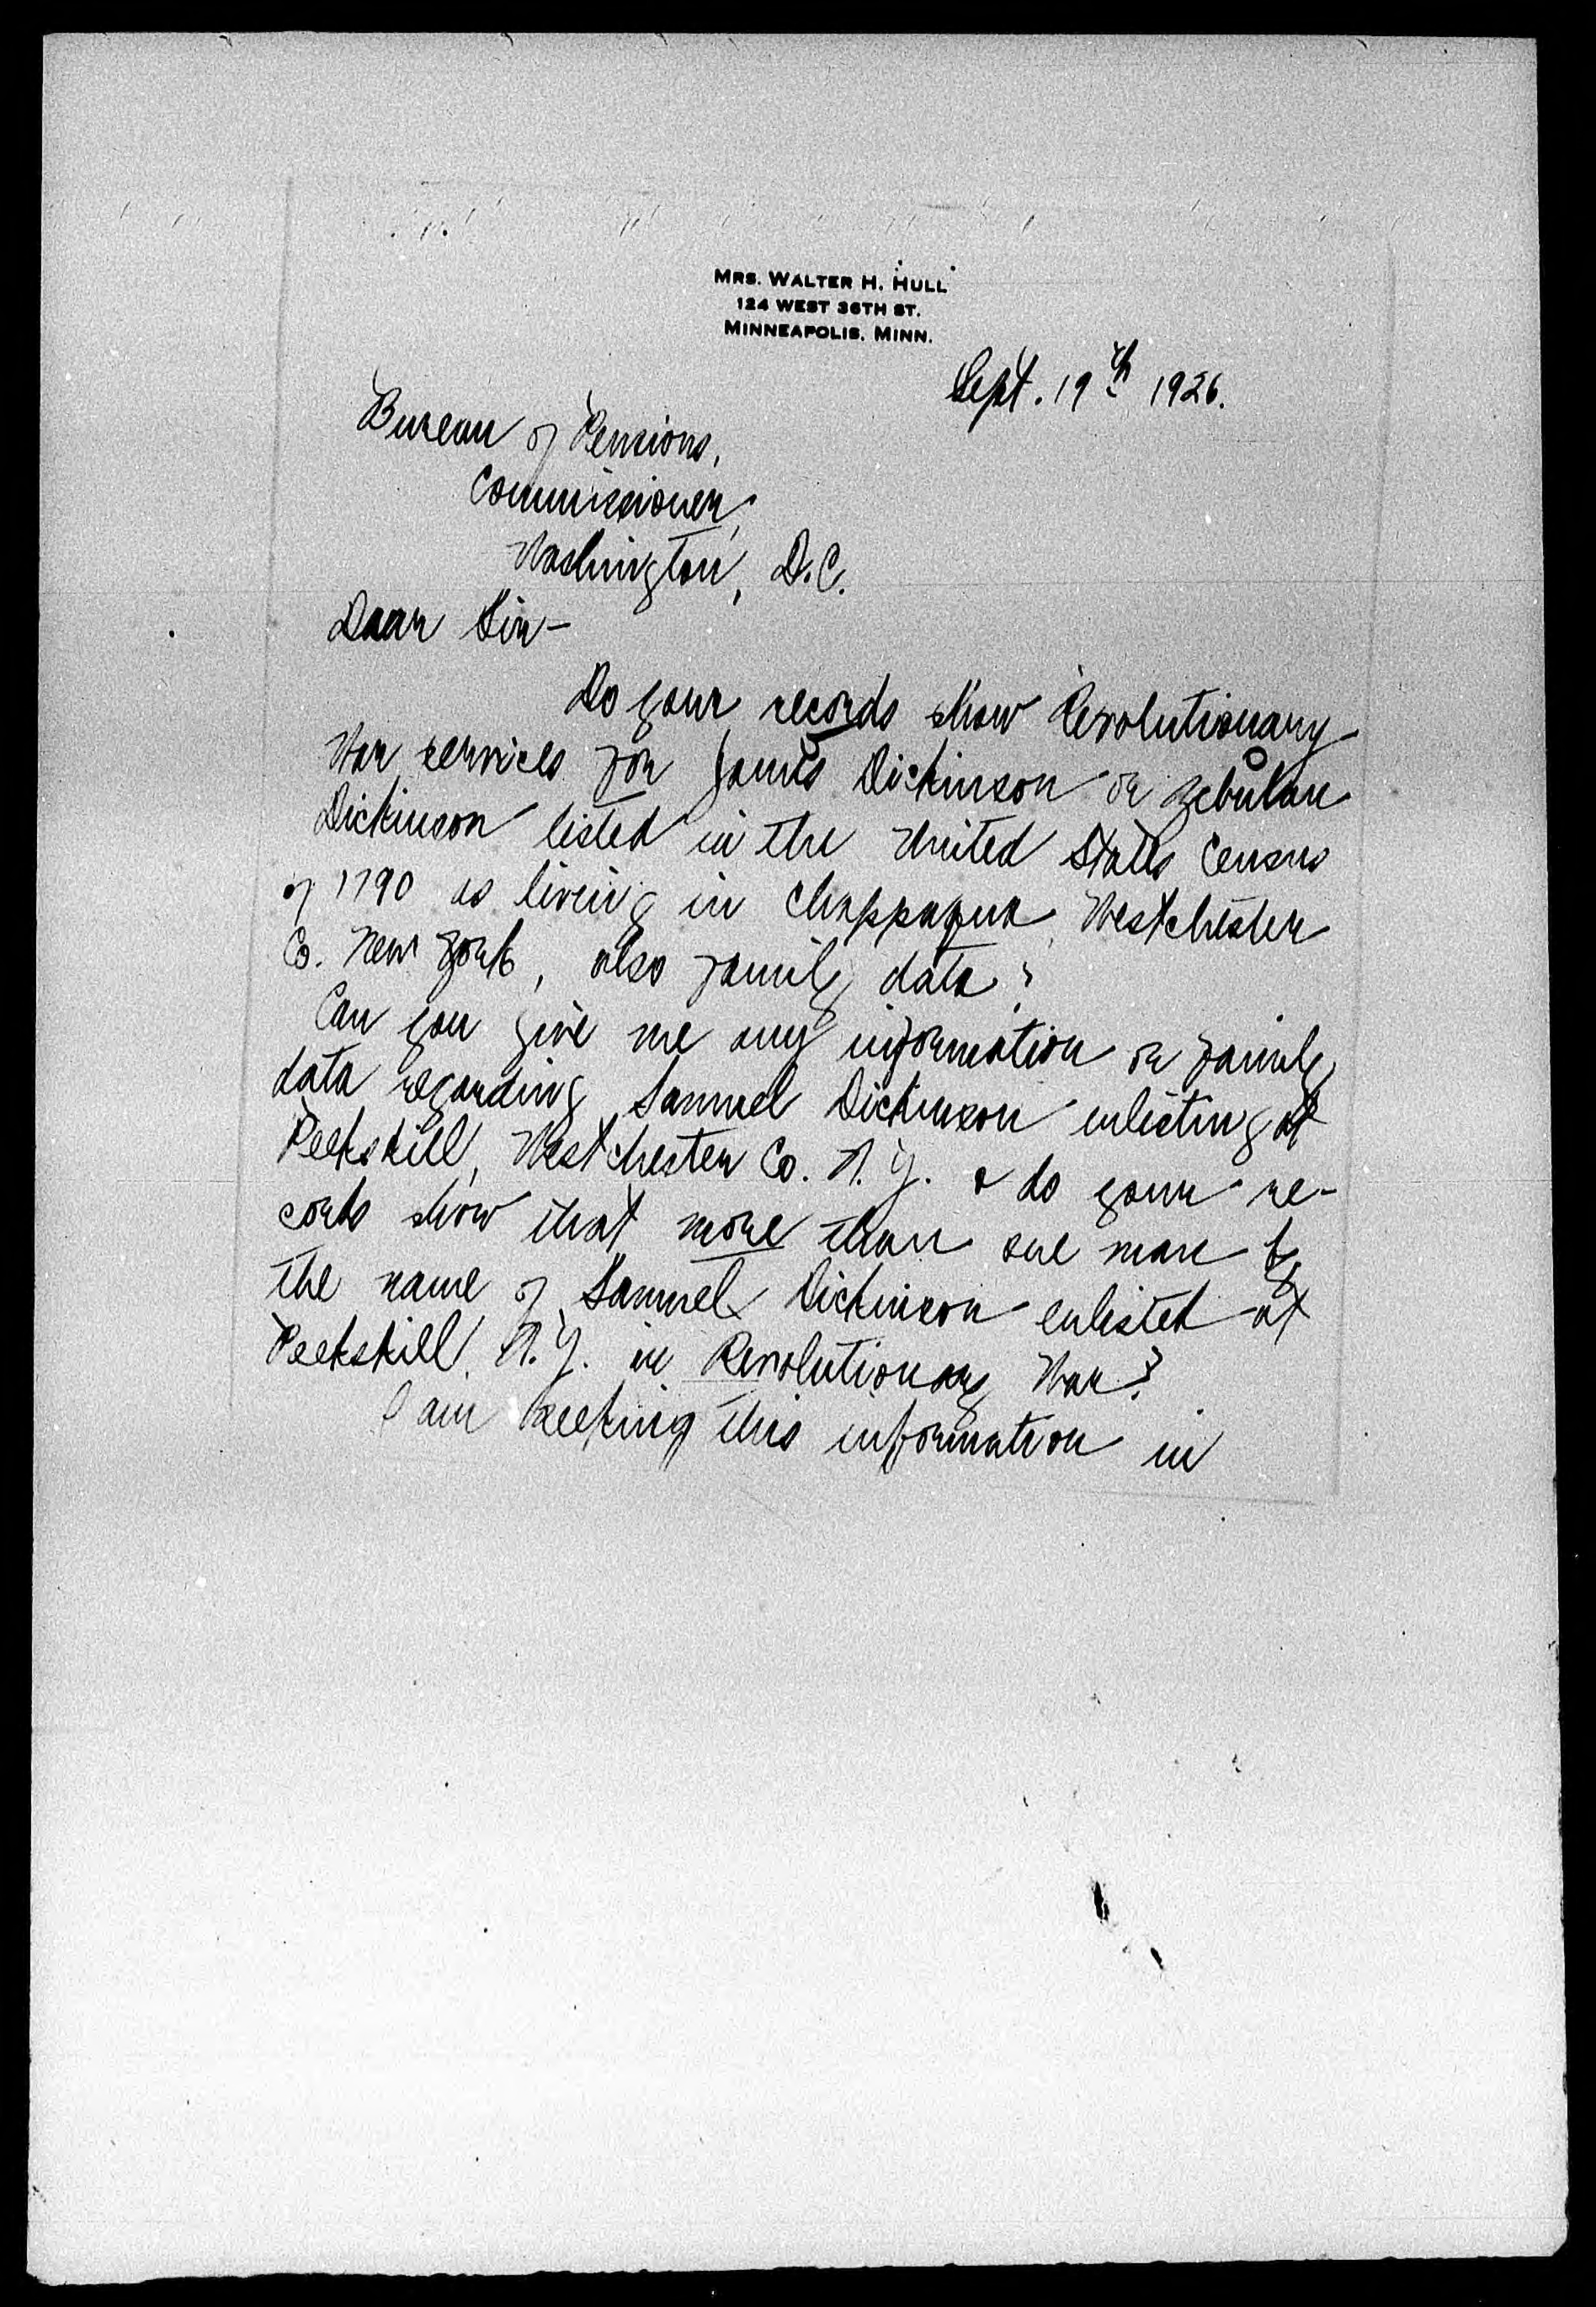MRS. WALTER H. HULL
124 WEST 36TH ST.
MINNEAPOLIS, MINN.

Sept. 19th 1926

Bureau of Pensions
Commissioner
Washington, D.C.

Dear Sir -
Do your records show Revolutionary 
War services for James Dickinson or Zebulon 
Dickinson listed in the United States Census
1790 as living in Chappaque, Westchester 
Co. New York, also family data?

Can you give me any information or family
data regarding Samuel Dickinson enlisting at
Peekskill, Westchester Co. N.Y. & do your 
records show that more than one man by
the name of Samuel Dickinson enlisted at
Peekskill, N.Y. in  Revolutionary War?

I am seeking this information in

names: Samuel Dickinson, Samuel Dickinson, James Dickinson, Walter H Hull, Zebulon Dickinson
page: 25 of 60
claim: widow's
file: W 16,955, Samuel Dickinson, Conn.